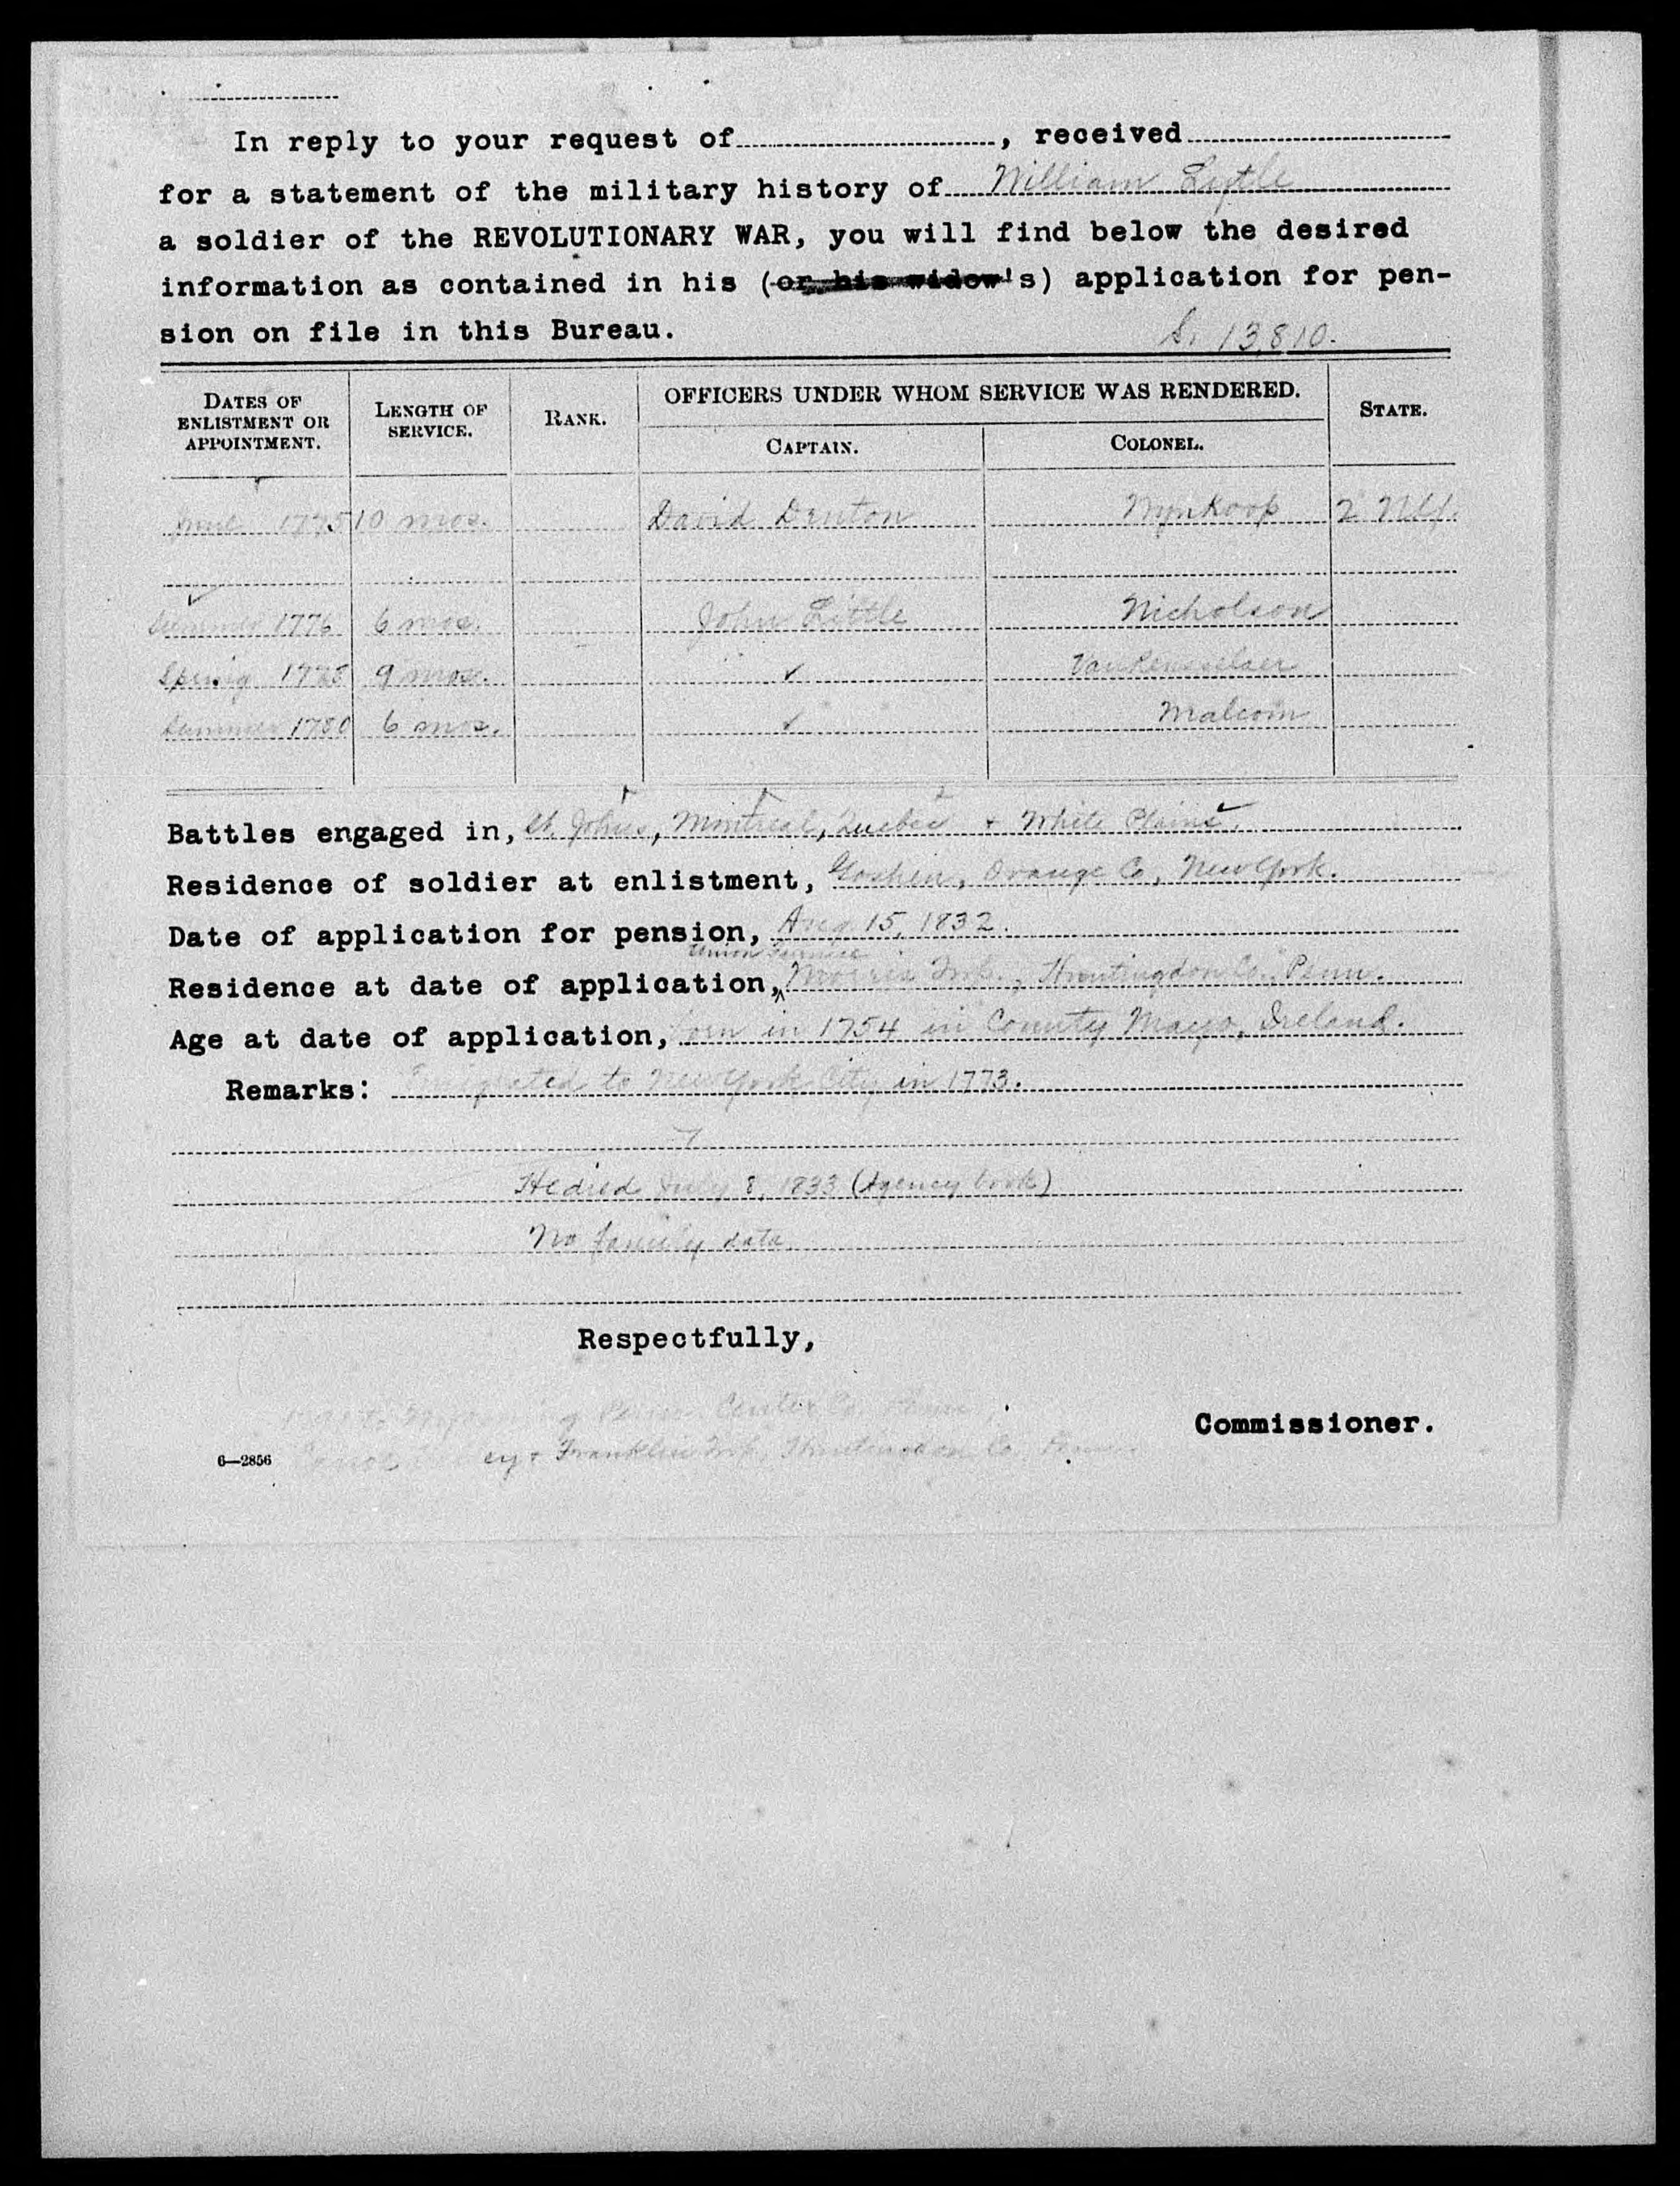In reply to your request of ________, received_______ for a statement of the military history of William Lytle, a soldier of the REVOLUTIONARY WAR, you will find below the desired information as contained in his
application for pension on file in this Bureau.
S. 13810

DATES OF ENLISTMENT OR APPOINTMENT.
(1) June 1775
LENGTH OF SERVICE. : 10 mos.
RANK.
OFFICERS UNDER WHOM SERVICE WAS RENDERED.
CAPTAIN. David Denton
COLONEL. Wynkoop
STATE.  2 NY

(2) Summer 1776
6 mos.
Captain John Little
Col. Nicholson

(3) Spring 1778
9 mos.
Captain (check mark)
Col. Van Rensselaer

(4) Summer 1780
6 mos.
Captain (check mark)
Col. Malcom

Battles engaged in , St. Johns, Montreal, Quebec & White Plains
Residence of soldier at enlistment, Goshen, Orange Co. New York
Date of application for pension:  Aug. 15, 1832.
Residence at date of application, Union Furnace, Morris Twp., Huntingdon Co., Penn.
Age at date of application, born in 1754 in County Mayo, Ireland.
Remarks: Emigrated to New York City in 1773.
1791 to Wyoming, Penn., Center Co., Penn., Canoe Valley & Franklin Twp., Huntingdon Co., Penn.
He died July 8, 1833 (Agency book)
No family data.
Respectfully,

Commissioner.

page: 13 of 24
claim: survivor's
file: S. 13810, for William Lytle, New York